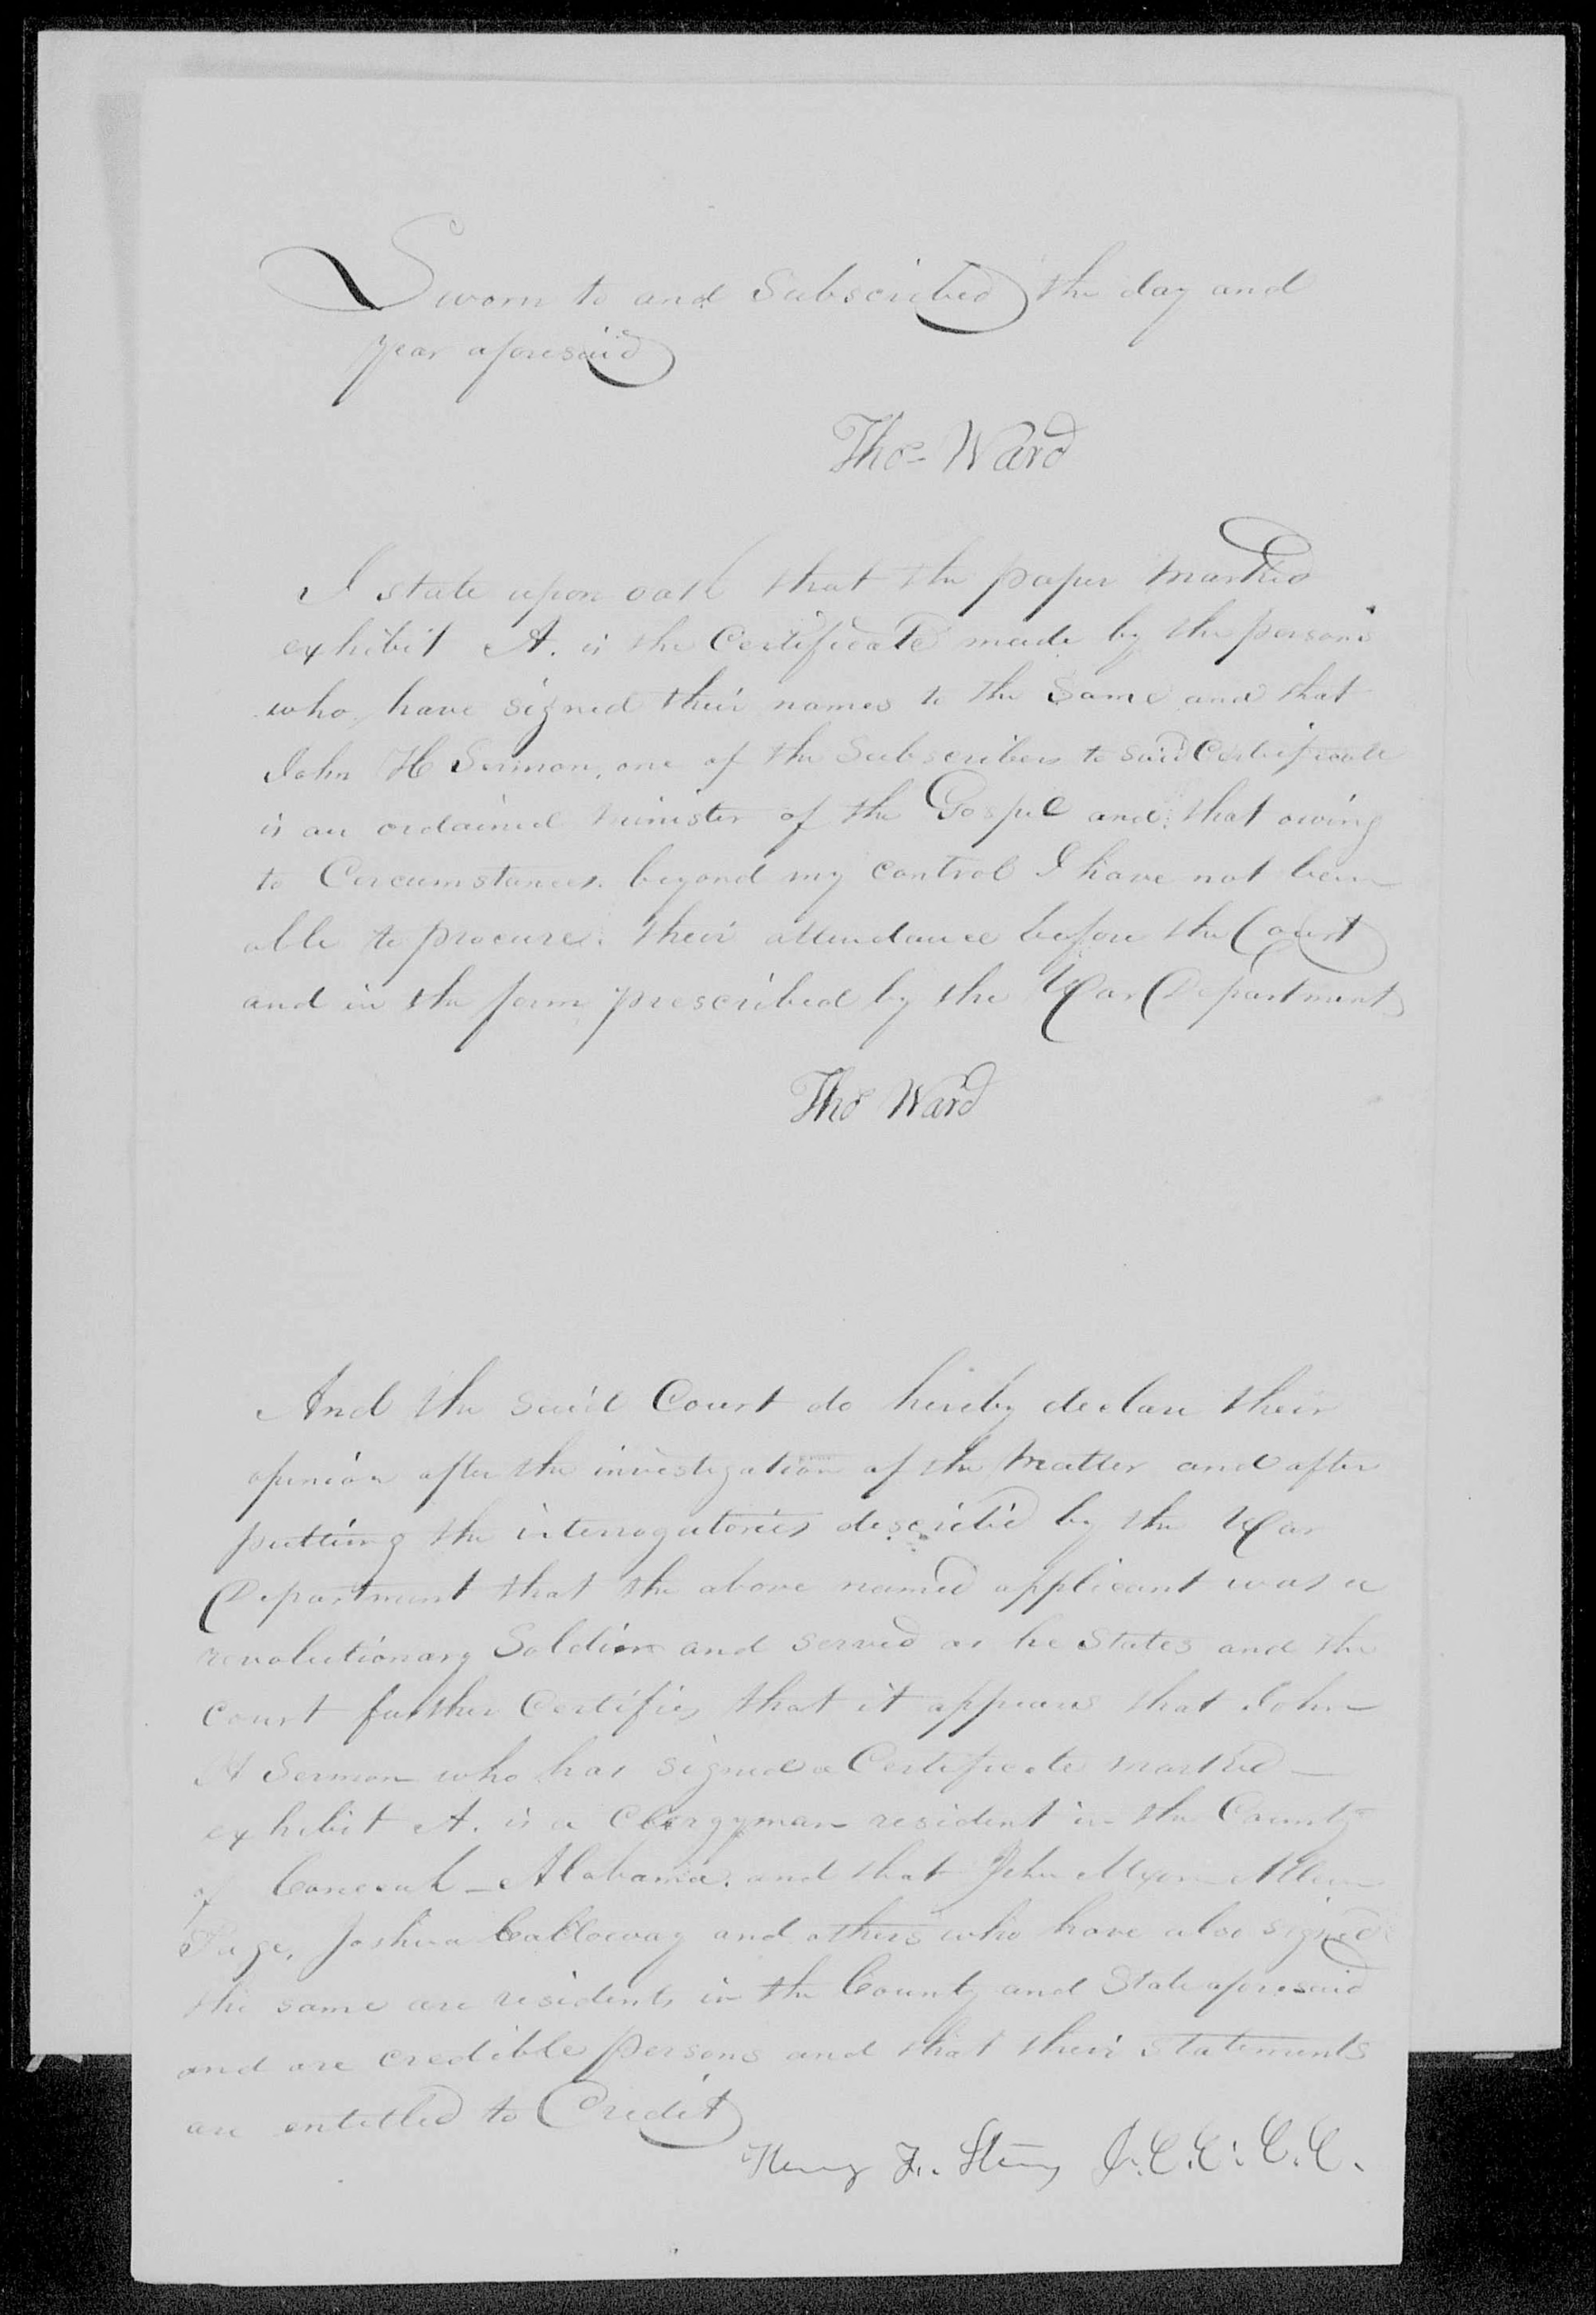Sworn to and subscribed the day and year aforesaid
Thos. Ward

I state upon oath that the paper marked exhibit A. is the certificate made by the persons who have signed their names to the Same and that John H Simon, one of the Subscribers to said Certificate is an ordained minister of the Gospel and that owing to Circumstances beyond my control I have not been able to procure their attendance before the Court and in the form prescribed by the War Department
Thos Ward


And the said Court do hereby declare their opinion after the investigation of the matter and after putting the interrogatories describ'd by the War Department that the above named applicant was a revolutionary Soldier and served as he states and the court further certifies that it appears that John H Simon who has signed a Certificate marked ___ exhibit A. is a clergyman resident in the County of Conecuh __ Alabama. and that John Mixon  Allen Page, Joshua Calloway and others who have also signed the same are residents in the County and State aforesaid and are credible persons and that their' statements are entitled to Credit
Henry F. Stems  J.C.C:C.C.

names: John H Sermon, Thos Ward, Ward, Thos Ward, John H Sermon, Joshua Calloway, Allen Page, Henry F Stems, John Mixon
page: 31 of 31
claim: survivor's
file: S. 14802, Thomas Ward, S.C.